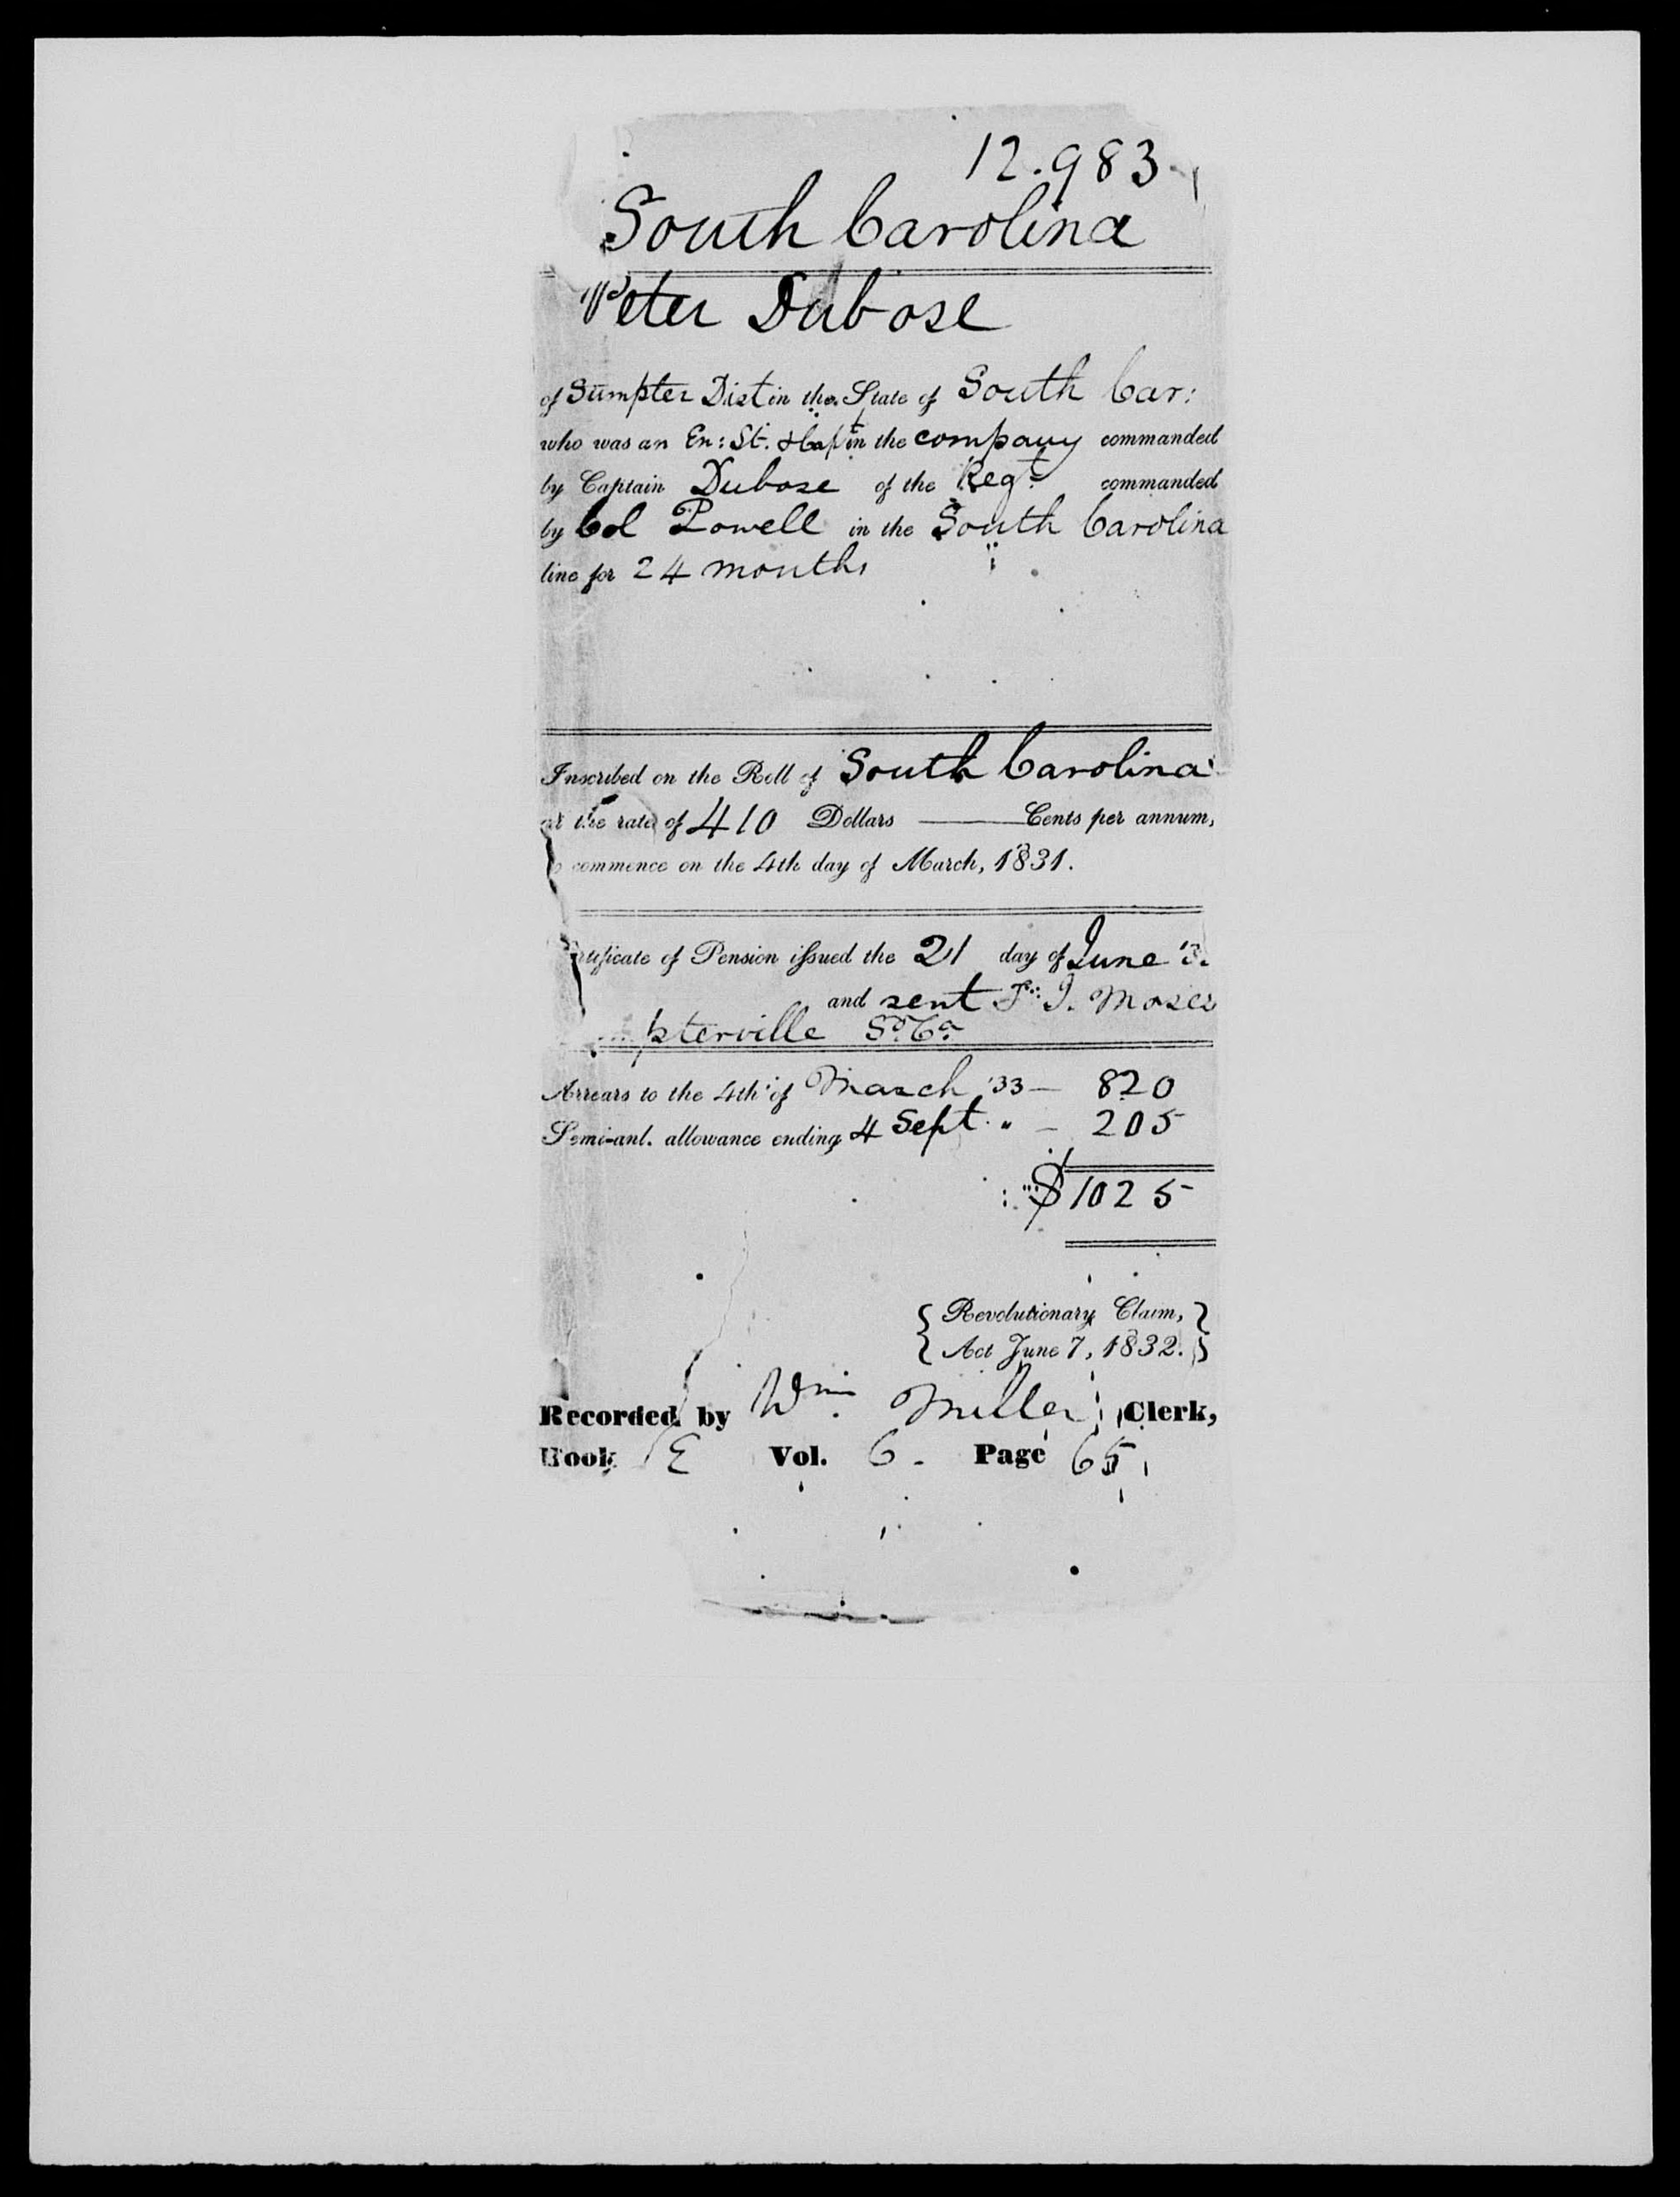12.983 
South Carolina
Peter Dubose
of Sumpter Dist. in the State of South Car;
who was an En: St. Host. in he company commanded by Captain Dubose of the Reg. commanded by Col. Powell in the South Carolina line for 24 months.

Inscribed on the Roll of South Carolina at the rate of 410 Dollars ___ Cents per annum,
to commence on the 4th day of March 1831.

Certificate of Pension issued the 21 day of June '32 and sent to T.J. Moses.
Sumpterville, So. Ca.

Arrears to the 4th of March '33           820.
Semi-anl. allowance ending 4 Sep.      205.
                                       $1025.

Revolutionary Claim, Act June 7, 1832
Recorded by Wm. Miller, Clerk
Book E   Vol. 6,    Page 65.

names: Peter Dubose, Powell, Wm Miller, Dubose, F J Moses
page: 2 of 43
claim: survivor's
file: S. 21163, Peter Dubose, S.C.